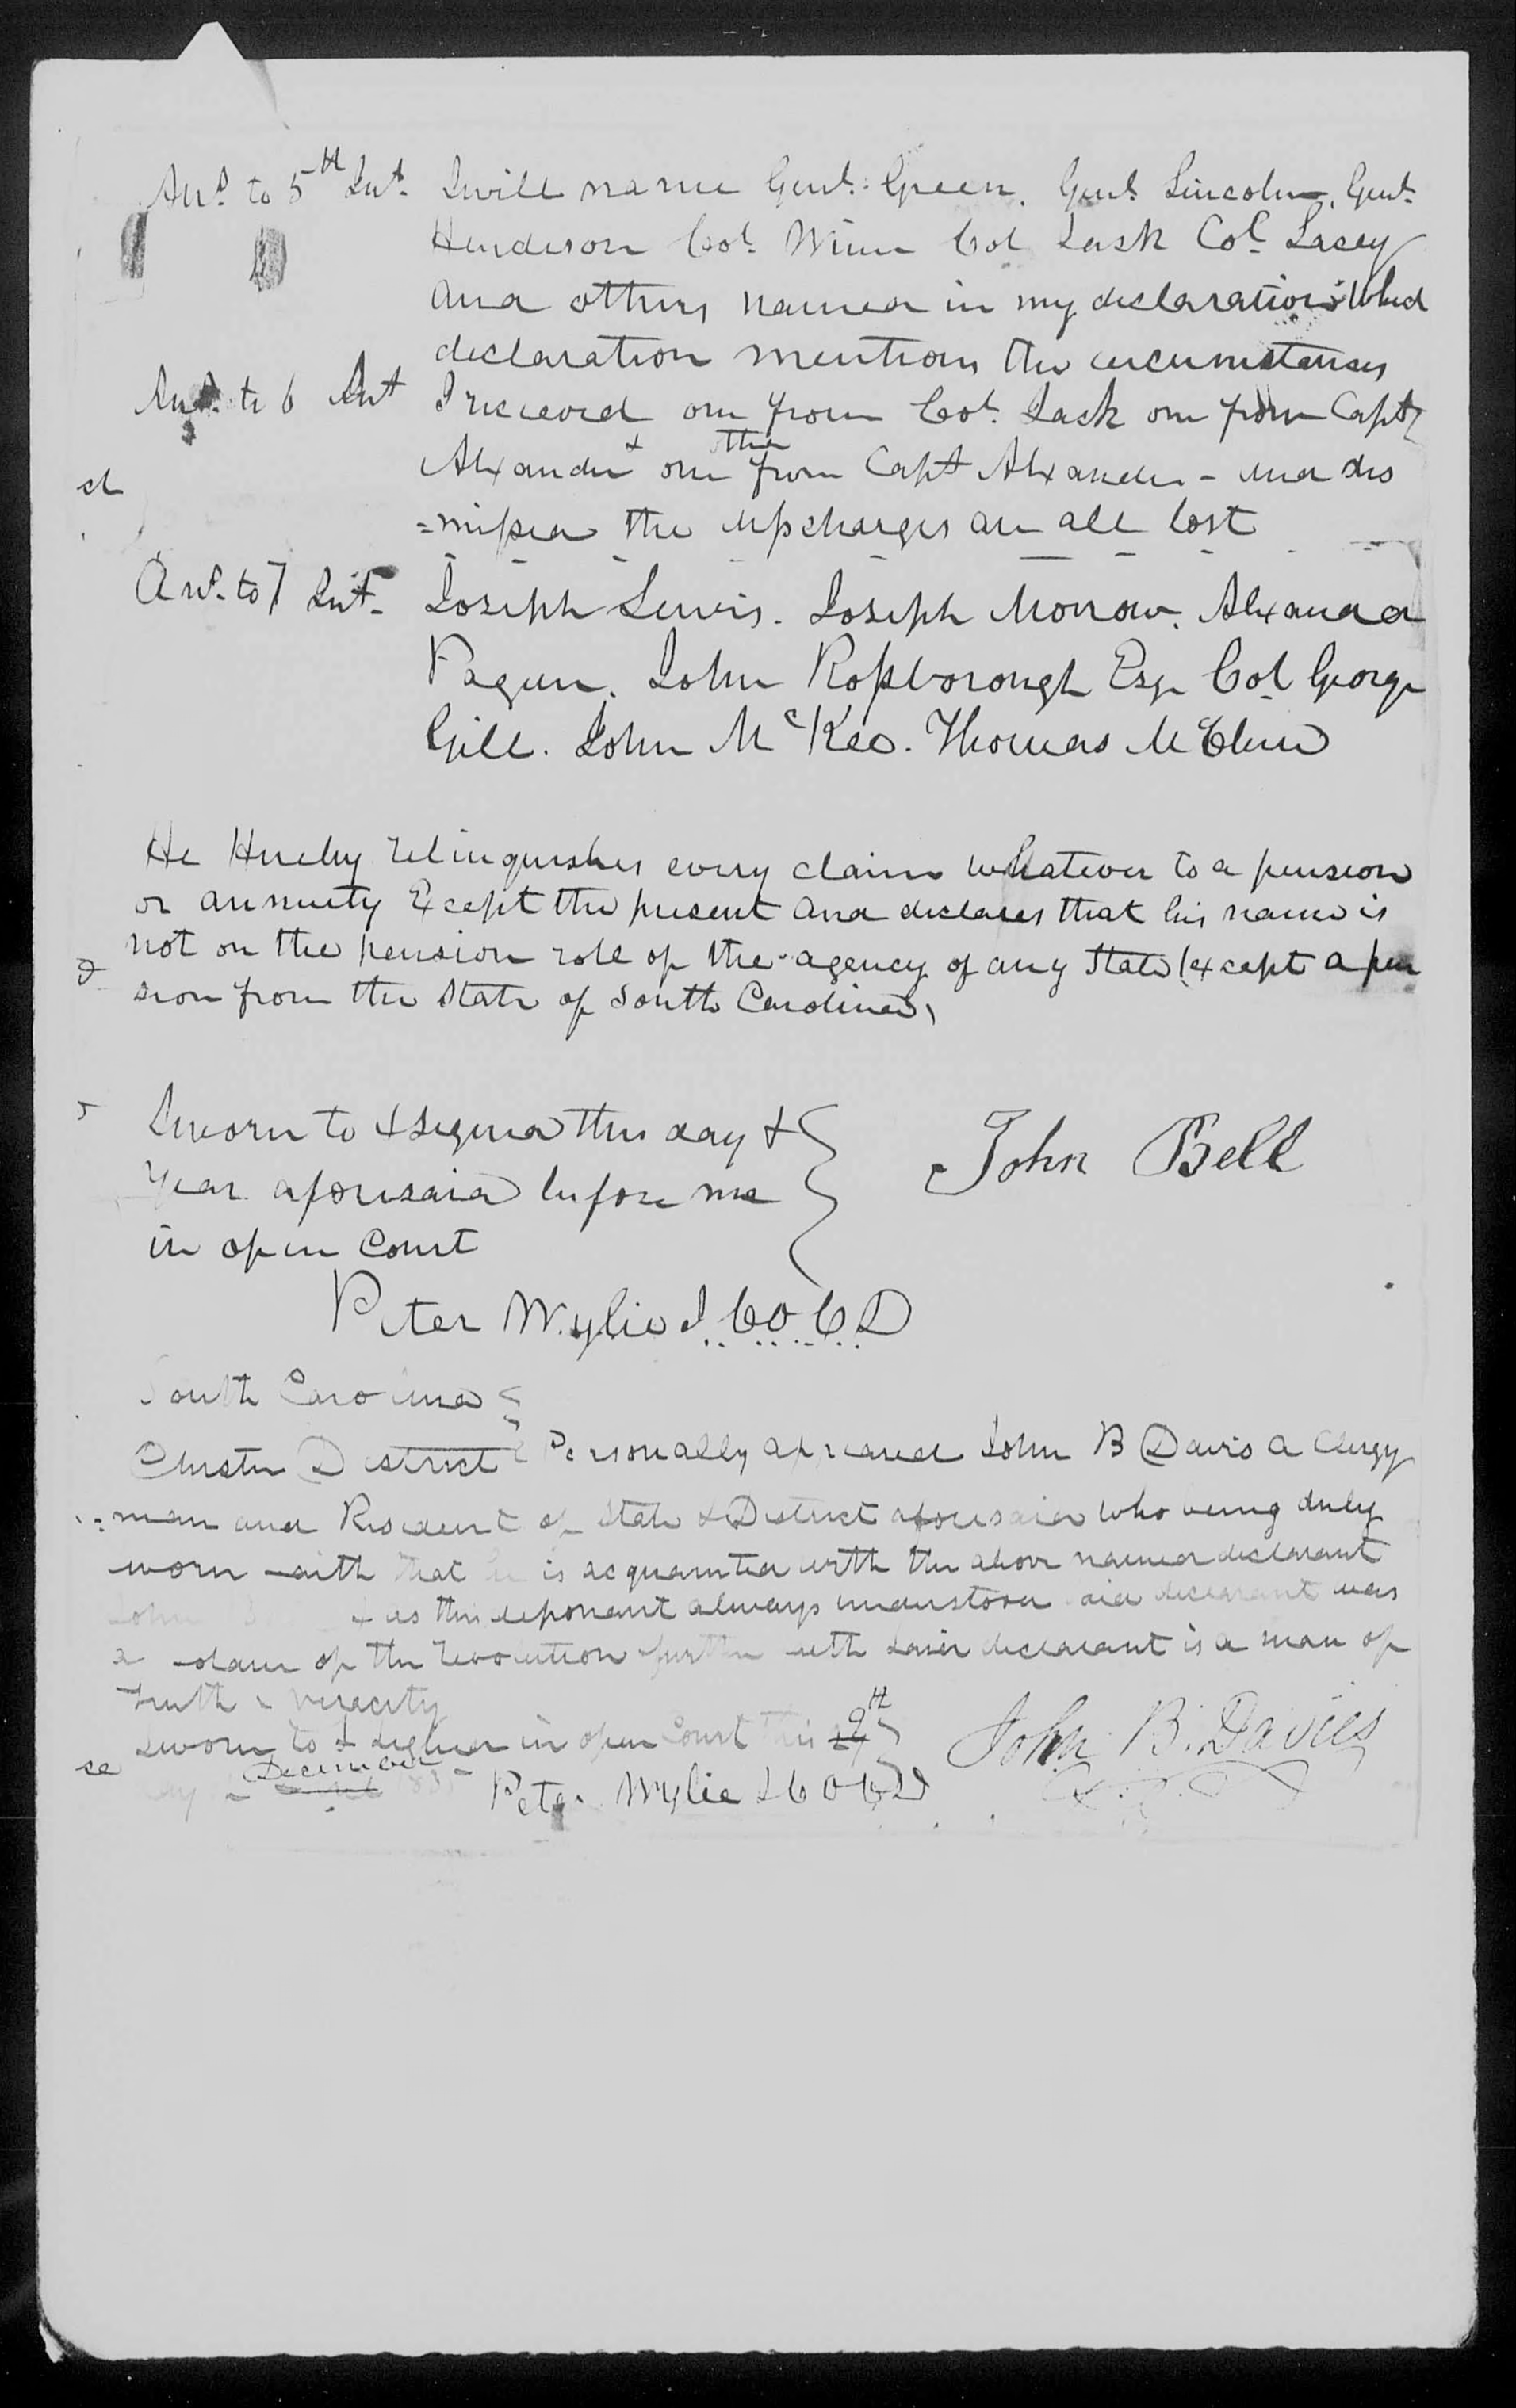Ans to 5 Qest . I will name Genl Green , Genl .Lincoln , Genl. Hardison , Col. Jack , Col. Lacey. and others named in my declaration which declaration mentions the circumstances . Ans to 6 Aest. I received one from Col. Jack one from Captain  Alexander, and dismissed the discharges are all lost. Ans to Qest 7 . .. ( illegible ) services Joseph Morrow, Alexander Pagun , John Ropsborough  Esq, Col. George Gill, John McKeo, Thomas Mc Clure. He hereby relinquishes every claim whatever to a pension or annuity except the present and declares that his name is not on the pension roll of the agency of and State ( except a pension from the State of South Carolina ).   Sworn to & subscribed this day & year aforesaid before me in open Court.  John Bell ( signed )  Peter Wylie ( signed )  J. Co. C. D.                                               [ South Carolina Chester District ] Personally appeared John B Davis a clergy man and resident of State & District aforesaid who being duly sworn saith that he is acquainted with the above named declarant ... ( illegible ) - is the deponent always understood that said declarant was a soldier of the revolution further saith said declarant is a man of truth & veracity.  John B Davis ( signed ) Sworn to & signed in open Court this 9th day December 1835 . Peter Wylie  ( signed )  J. C. O. C.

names: Lacey, John Bell, Thomas Mc Clure, Winn, John Mc Keo, John B Davis, Jack, Alxander, Joseph Lewis, Peter Wylie, Lincoln, Joseph Morrow, Hendeson, John B Davies, Alexander Fagan, Peter Wylie, Alxander, Green, John Rossborough, Jack, George Gill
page: 5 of 23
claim: survivor's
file: S. 21068, John Bell, Ga. N. C. S. C.